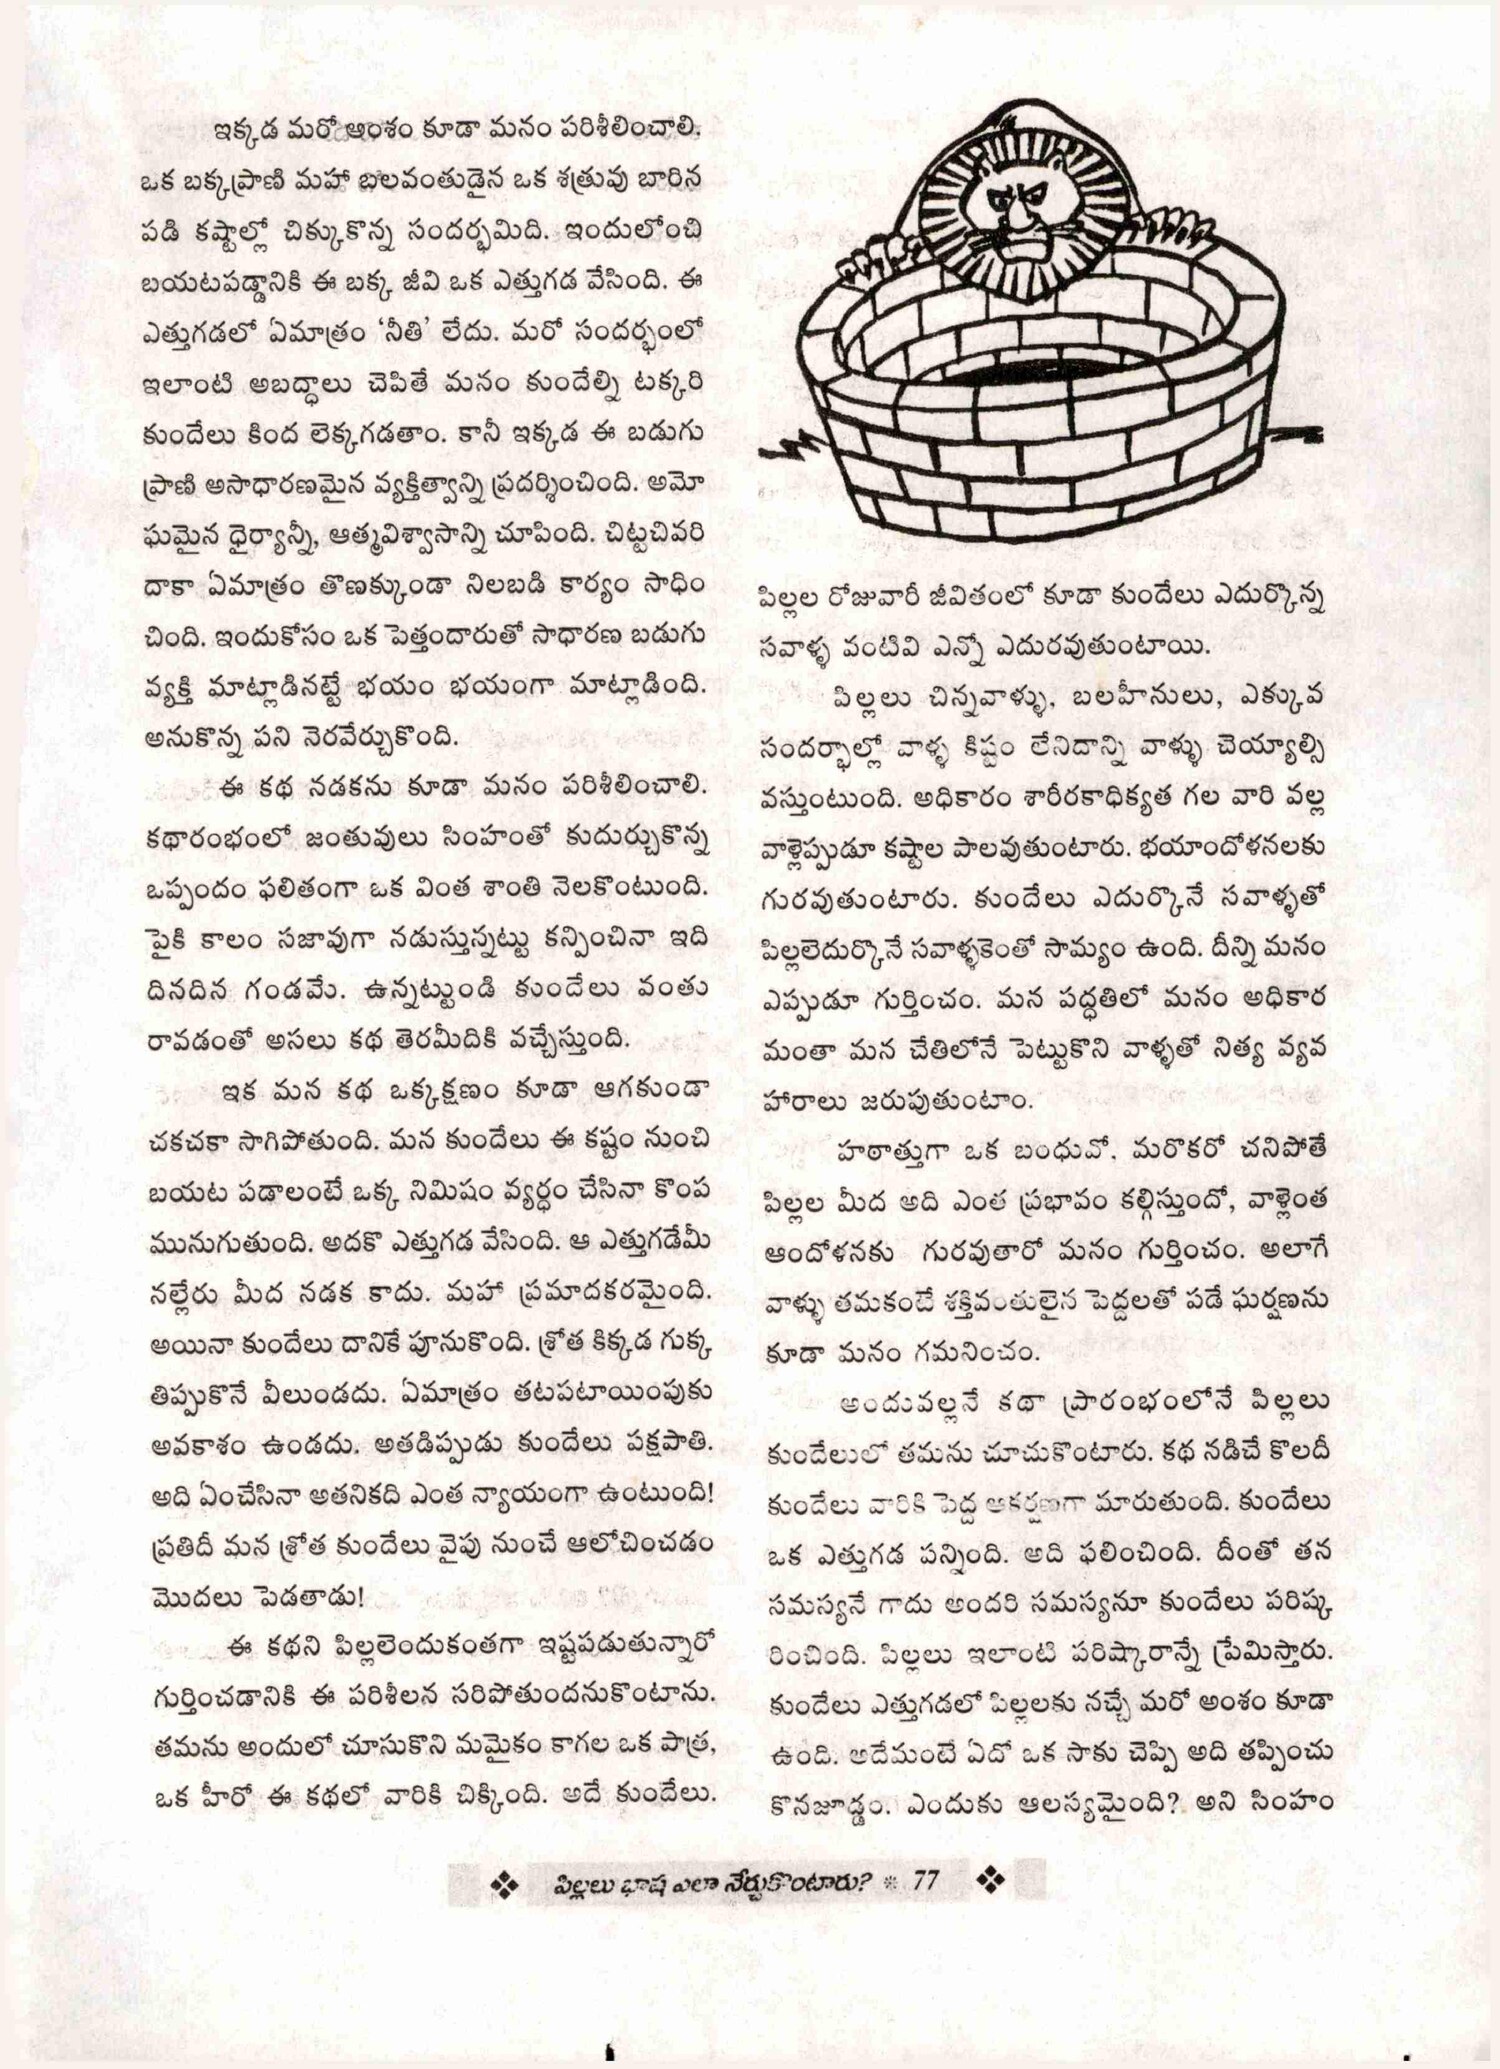ఇక్కడ మరో అంశం కూడా మనం పరిశీలించాలి. ఒక బక్కప్రాణి మహా బలవంతుడైన ఒక శత్రువు బారినపడి కష్టాల్లో చిక్కుకొన్న సందర్భమిది. ఇందులోంచి బయటపడ్డానికి ఈ బక్క జీవి ఒక ఎత్తుగడ వేసింది. ఈ ఎత్తుగడలో ఏమాత్రం 'నీతి' లేదు. మరో సందర్భంలో ఇలాంటి అబద్ధాలు చెపితే మనం కుందేల్ని టక్కరి కుందేలు కింద లెక్కగడతాం. కానీ ఇక్కడ ఈ బడుగు ప్రాణి అసాధారణమైన వ్యక్తిత్వాన్ని ప్రదర్శించింది. అమోఘమైన ధైర్యాన్నీ, ఆత్మవిశ్వాసాన్ని చూపింది. చిట్టచివరి దాకా ఏమాత్రం తొణక్కుండా నిలబడి కార్యం సాధించింది. ఇందుకోసం ఒక పెత్తందారుతో సాధారణ బడుగు వ్యక్తి మాట్లాడినట్టే భయం భయంగా మాట్లాడింది. అనుకొన్న పని నెరవేర్చుకొంది.

ఈ కథ నడకను కూడా మనం పరిశీలించాలి. కథారంభంలో జంతువులు సింహంతో కుదుర్చుకొన్న ఒప్పందం ఫలితంగా ఒక వింత శాంతి నెలకొంటుంది. పైకి కాలం సజావుగా నడుస్తున్నట్టు కన్పించినా ఇది దినదిన గండమే. ఉన్నట్టుండి కుందేలు వంతు రావడంతో అసలు కథ తెరమీదికి వచ్చేస్తుంది.

ఇక మన కథ ఒక్కక్షణం కూడా ఆగకుండా చకచకా సాగిపోతుంది. మన కుందేలు ఈ కష్టం నుంచి బయట పడాలంటే ఒక్క నిమిషం వ్యర్ధం చేసినా కొంప మునుగుతుంది. అదకొ ఎత్తుగడ వేసింది. ఆ ఎత్తుగడేమీ నల్లేరు మీద నడక కాదు. మహా ప్రమాదకరమైంది. అయినా కుందేలు దానికే పూనుకొంది. శ్రోత కిక్కడ గుక్క తిప్పుకొనే వీలుండదు. ఏమాత్రం తటపటాయింపుకు అవకాశం ఉండదు. అతడిప్పుడు కుందేలు పక్షపాతి. అది ఏంచేసినా అతనికది ఎంత న్యాయంగా ఉంటుంది! ప్రతిదీ మన శ్రోత కుందేలు వైపు నుంచే ఆలోచించడం మొదలు పెడతాడు!

ఈ కథని పిల్లలెందుకంతగా ఇష్టపడుతున్నారో గుర్తించడానికి ఈ పరిశీలన సరిపోతుందనుకొంటాను. తమను అందులో చూసుకొని మమైకం కాగల ఒక పాత్ర, ఒక హీరో ఈ కథలో వారికి చిక్కింది. అదే కుందేలు. పిల్లల రోజువారీ జీవితంలో కూడా కుందేలు ఎదుర్కొన్న సవాళ్ళ వంటివి ఎన్నో ఎదురవుతుంటాయి.

పిల్లలు చిన్నవాళ్ళు, బలహీనులు, ఎక్కువ సందర్భాల్లో వాళ్ళ కిష్టం లేనిదాన్ని వాళ్ళు చెయ్యాల్సి వస్తుంటుంది. అధికారం శారీరకాధిక్యత గల వారి వల్ల వాళ్లెప్పుడూ కష్టాల పాలవుతుంటారు. భయాందోళనలకు గురవుతుంటారు. కుందేలు ఎదుర్కొనే సవాళ్ళతో పిల్లలెదుర్కొనే సవాళ్ళకెంతో సామ్యం ఉంది. దీన్ని మనం ఎప్పుడూ గుర్తించం. మన పద్దతిలో మనం అధికారమంతా మన చేతిలోనే పెట్టుకొని వాళ్ళతో నిత్య వ్యవహారాలు జరుపుతుంటాం.

హఠాత్తుగా ఒక బంధువో, మరొకరో చనిపోతే పిల్లల మీద అది ఎంత ప్రభావం కల్గిస్తుందో, వాళ్లెంత ఆందోళనకు గురవుతారో మనం గుర్తించం. అలాగే వాళ్ళు తమకంటే శక్తివంతులైన పెద్దలతో పడే ఘర్షణను కూడా మనం గమనించం.

అందువల్లనే కథా ప్రారంభంలోనే పిల్లలు కుందేలులో తమను చూచుకొంటారు. కథ నడిచే కొలదీ కుందేలు వారికి పెద్ద ఆకర్షణగా మారుతుంది. కుందేలు ఒక ఎత్తుగడ పన్నింది. అది ఫలించింది. దీంతో తన సమస్యనే గాదు అందరి సమస్యనూ కుందేలు పరిష్కరించింది. పిల్లలు ఇలాంటి పరిష్కారాన్నే ప్రేమిస్తారు. కుందేలు ఎత్తుగడలో పిల్లలకు నచ్చే మరో అంశం కూడా ఉంది. అదేమంటే ఏదో ఒక సాకు చెప్పి అది తప్పించుకొనజూడ్డం. ఎందుకు ఆలస్యమైంది? అని సింహం